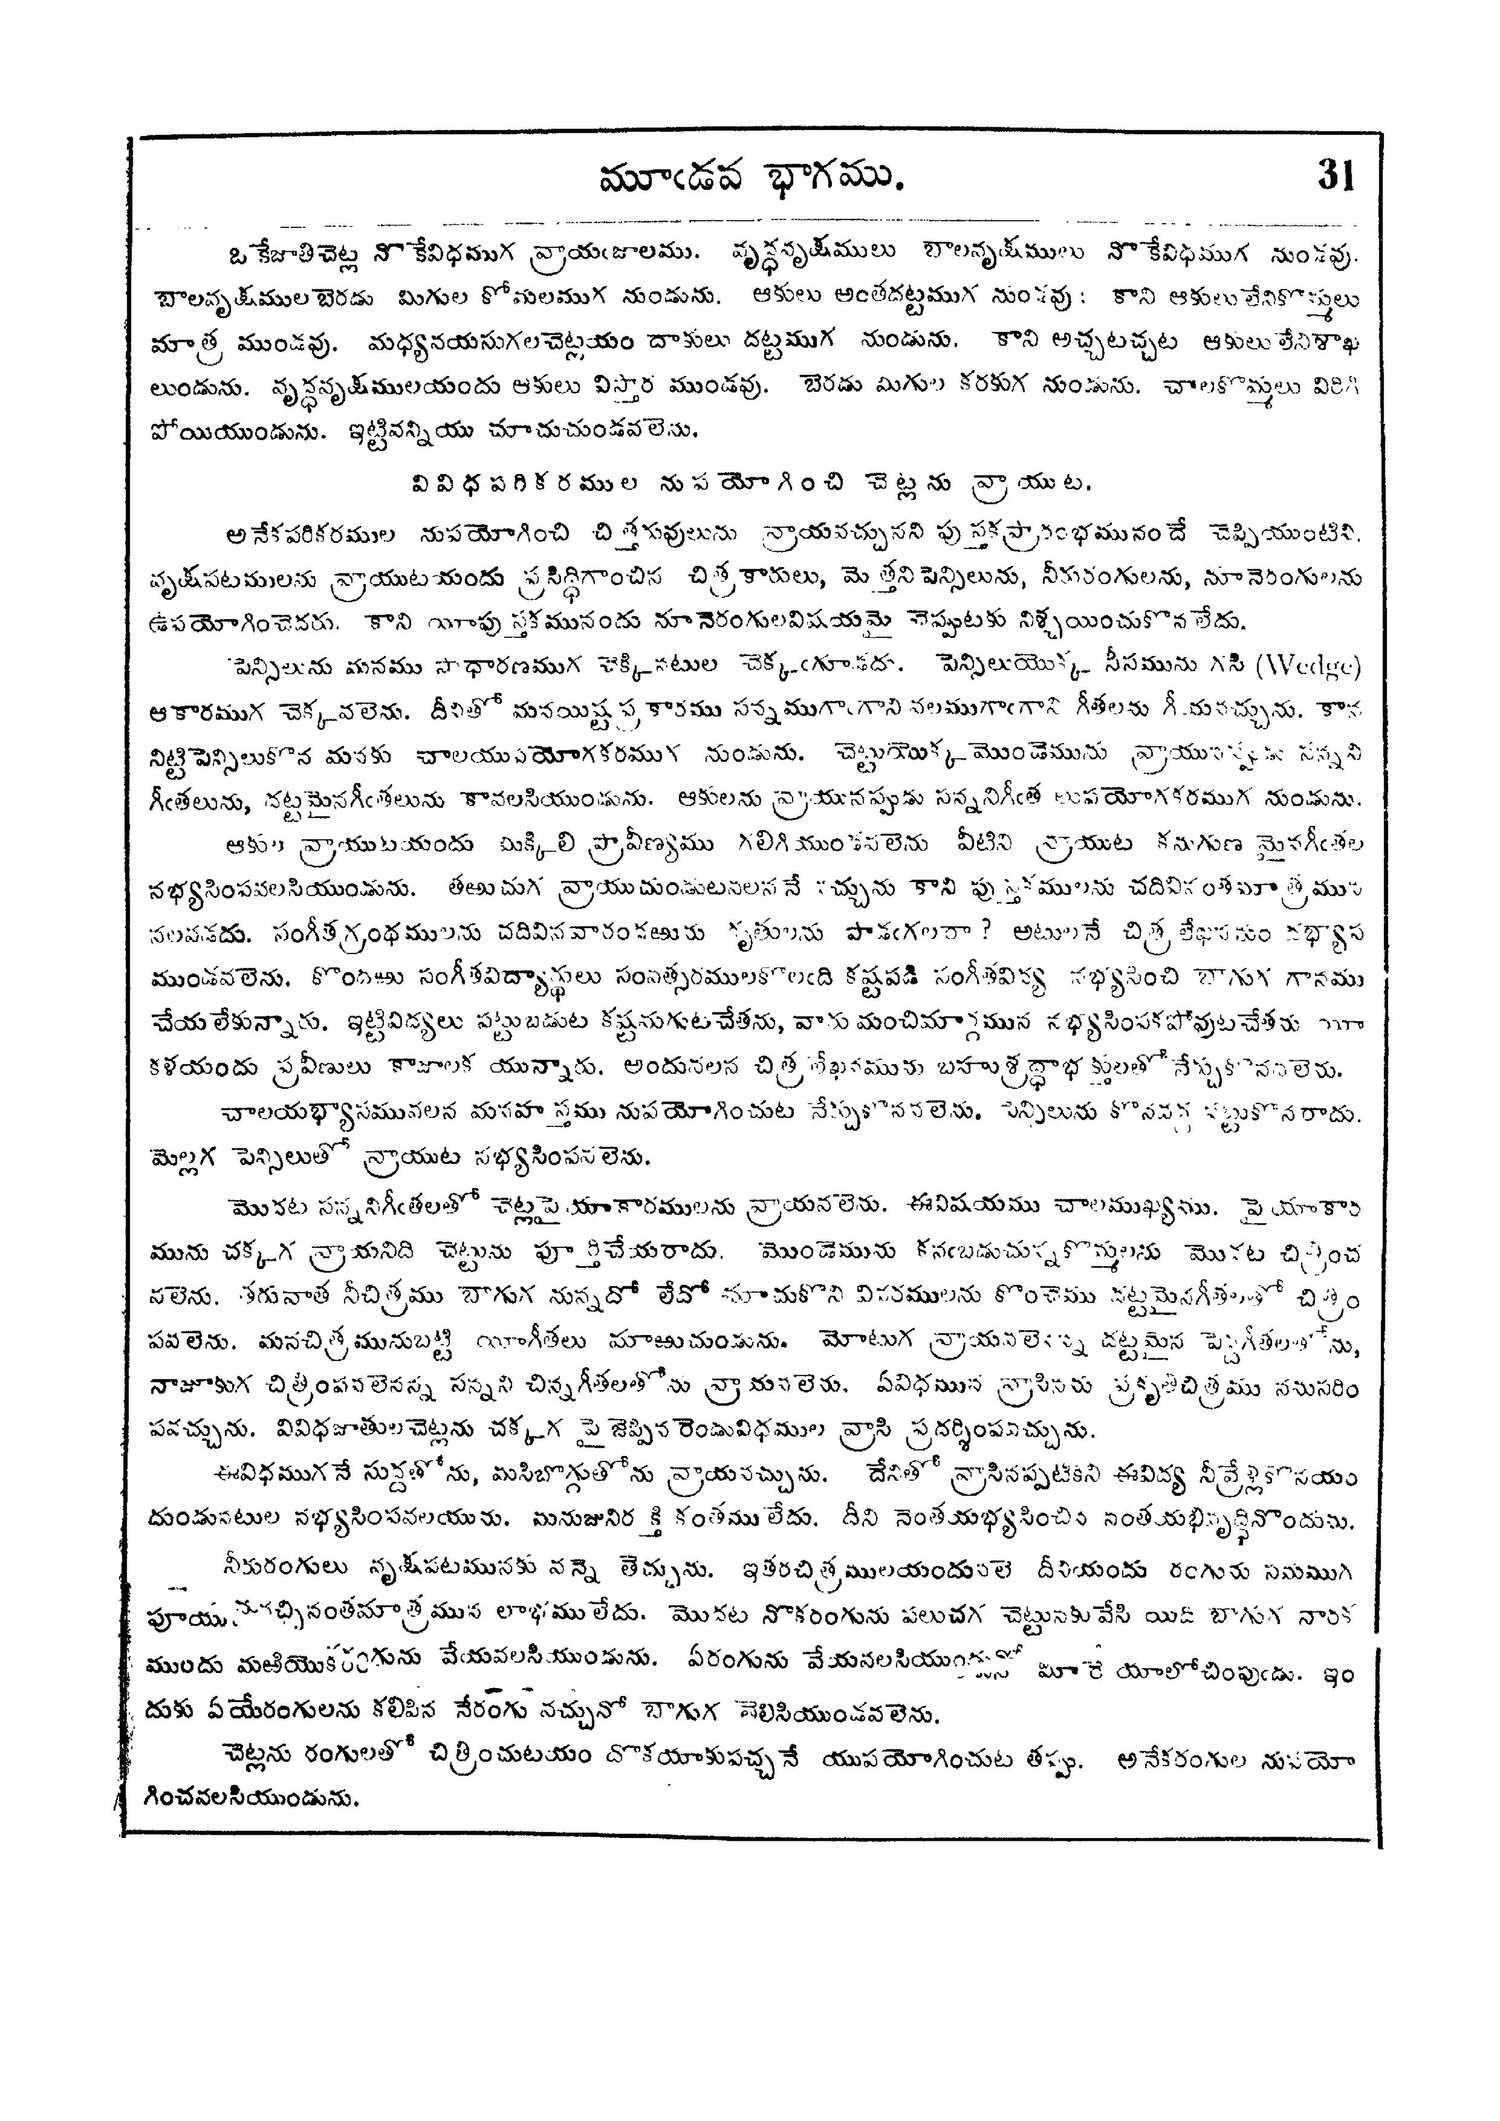ఒకేజాతిచెట్ల నొకేవిధముగ వ్రాయజాలము. వృద్ధవృక్షములు బాలవృక్షములు నొకేవిధముగ నుండవు. బాలవృక్షములబెరడు మిగుల కోమలముగ నుండును. ఆకులు అంతదట్టముగ నుండవు. కాని ఆకులులేనికొమ్మలు మాత్ర ముండవు. మధ్యవయసుగలచెట్లయం దాకులు దట్టముగ నుండును. కాని అచ్చటచ్చట ఆకులులేనిశాఖ లుండును. వృద్ధవృక్షములయందు ఆకులు విస్తార ముండవు. బెరడు మిగుల కరకుగ నుండును. చాలకొమ్మలు విరిగిపోయియుండును. ఇట్టివణ్ణియు చూచుచుండవలెను.

అనేకపరికరముల నుపయోగించి చిత్తరువులును వ్రాయవచ్చునని పుస్తకప్రారంభమునందే చెప్పియుంటిని. వృక్షపటములను వ్రాయుటయందు ప్రసిద్ధిగాంచిన చిత్రకారులు, మెత్తని పెన్సిలును, నీరురంగులను, నూనెరంగులను ఉపయోగించెదరు. కాని యీపుస్తకమునందు నూనెరంగుల విషయమై చెప్పుటకు నిశ్చయించుకొనలేదు.

పెన్సిలును మనము సాధారణముగ చెక్కినటుల చెక్కగూడదు. పెన్సిలుయొక్క సీసమును గసి (Wedge) ఆకారముగ చెక్కవలెను. దీనితో మనయిష్టప్రకారము సన్నముగా గాని వలముగాగాని గీతలను గీయవచ్చును. కాన నిట్టిపెన్సిలుకొన మనకు చాలయుపయోగకరముగ నుండును. చెట్టుయొక్క మొండెమును వ్రాయునప్పుడు సన్నని గీతలును, దట్టమైనగీతలును కావలసియుండును. ఆకులను వ్రాయునప్పుడు సన్ననిగీత లుపయోగకరముగ నుండును.

ఆకులు వ్రాయుటయందు మిక్కిలి ప్రావీణ్యము గలిగియుండవలెను. వీటిని వ్రాయుట కనుగుణ మైనగీతల నభ్యసింపవలసియుండును. తఱుచుగ వ్రాయుచుండుటవలననే వచ్చును కాని పుస్తకములను చదివినంత మాత్రమున నలవడదు. సంగీతగ్రంథములను చదివినవారందఱును కృతులను పాడగలరా? అటులనే చిత్ర లేఖనమం దభ్యాసముండవలెను. కొందఱు సంగీతవిద్యార్థులు సంవత్సరములకొలది కష్టపడి సంగీతవిద్య నభ్యసించి బాగుగ గానము చేయలేకున్నారు. ఇట్టివిద్యలు పట్టుబడుట కష్టమగుటచేతను, వారు మంచిమార్గమున నభ్యసింపకపోవుటచేతను యీకళయందు ప్రవీణులు కాజాలక యున్నారు. అందువలన చిత్రలేఖనమును బహుశ్రద్ధాభక్తులతో నేర్చుకొనవలెను.

చాలయభ్యాసమువలన మనహస్తము నుపయోగించుట నేర్చుకొనవలెను. పెన్సిలును కొనవద్ద పట్టుకొనరాదు. మెల్లగ పెన్సిలుతో వ్రాయుట నభ్యసింపవలెను. 

మొదట సన్ననిగీతలతో చెట్లపైయాకారములను వ్రాయవలెను. ఈవిషయము చాలముఖ్యము. పైయాకారమును చక్కగ వ్రాయనిది చెట్టును పూర్తిచేయరాదు. మొండెమును కనబడుచున్నకొమ్మలను మొదట చిత్రించవలెను. తరువాత నీచిత్రము బాగుగ నున్నదో లేదో చూచుకొని వివరములను కొంచెము దట్టమైనగీతలతో చిత్రింపవలెను. మనచిత్రమునుబట్టి యీగీతలు మాఱుచుండును. మోటుగ వ్రాయవలెనన్న దట్టమైన పెద్దగీతలతోను, నాజూకుగ చిత్రింపవలెనన్న సన్నని చిన్నగీతలతోను వ్రాయవలెను. ఏవిధమున వ్రాసినను ప్రకృతిచిత్రము ననుసరింపవచ్చును. వివిధజాతులచెట్లను చక్కగ పైజెప్పినరెండువిధముల వ్రాసి ప్రదర్శింపవచ్చును.

ఈవిధముగనే సుద్దతోను, మసిబొగ్గుతోను వ్రాయవచ్చును. దేనితో వ్రాసినప్పటికిని ఈవిద్య నీవ్రేళ్లకొనయం దుండునటుల నభ్యసింపవలయును. మనుజునిరక్తి కంతములేదు. దీని నెంతయభ్యసించిన నంతయభివృద్ధినొందును.

నీరురంగులు వృక్షపటమునకు వన్నెతెచ్చును. ఇతరచిత్రములయందువలె దీనియందు రంగును సమముగ పూయుచు వచ్చినంతమాత్రమున లాభములేదు. మొదట నొకరంగును పలుచగ చెట్టునకువేసి యిది బాగుగ నారకముందు మఱియొకరంగును వేయవలసియుండును. ఏరంగును వేయవలసియుండునో మీరే యాలోచింపుడు. ఇందుకు ఏయేరంగులను కలిపిన నేరంగు వచ్చునో బాగుగ తెలిసియుండవలెను. 

చెట్లను రంగులతో చిత్రించుటయం దొకయాకుపచ్చనే యుపయోగించుట తప్పు. అనేకరంగుల నుపయోగించవలసియుండును.